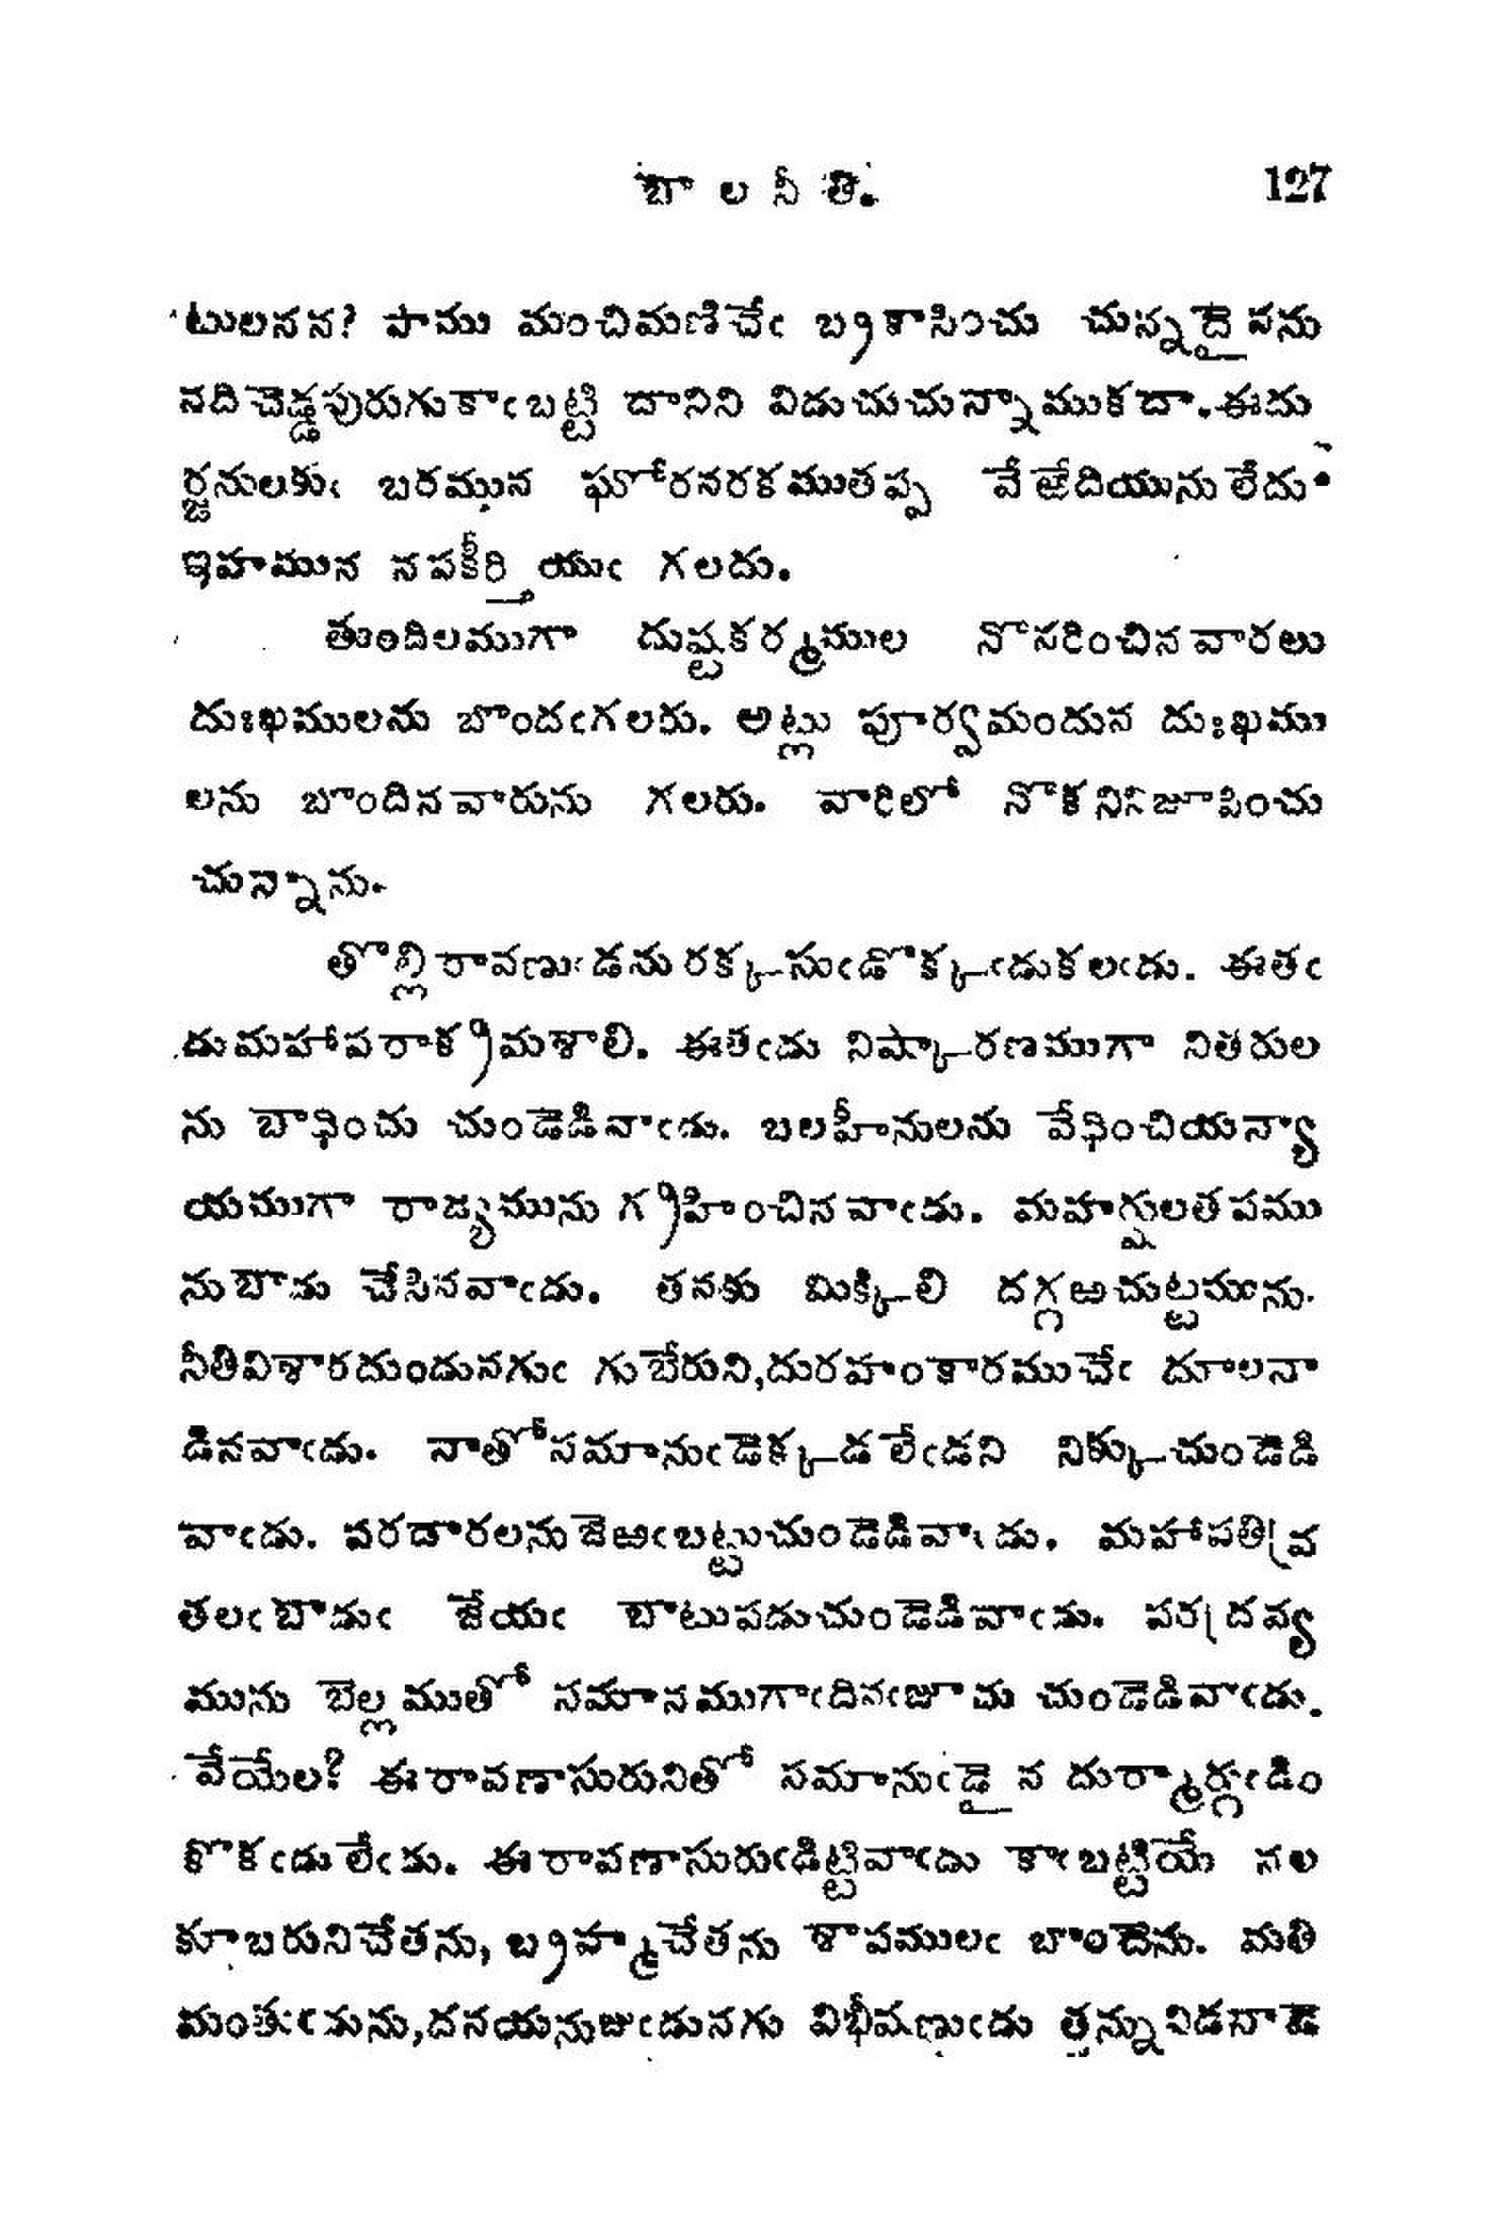టులనన? పాము మంచిమణిచేఁ బ్రకాసించు చున్నదైనను 
నదిచెడ్డపురుగుకాఁబట్టి దానిని విడుచుచున్నాముకదా. ఈదు
ర్జనులకుఁ బరమున ఘోరనరకముతప్ప వేఱేదియును లేదు. 
ఇహమున నపకీర్తియుఁ గలదు.

తుందిలముగా దుష్టకర్మముల నొనరించినవారలు 
దుఃఖములను బొందఁగలరు. అట్లు పూర్వుమందున దుఃఖము
లను బొందినవారును గలరు. వారిలో నొకనిని జూపించు
చున్నాను.

తొల్లిరావణుఁడను రక్కసుఁడొక్కఁడుకలఁడు. ఈతఁ
డుమహాపరాక్రమశాలి. ఈతఁడు నిష్కారణముగా నితరుల
ను బాధించు చుండెడివాఁడు. బలహీనులను వేధించియన్యా
యముగా రాజ్యమును గ్రహించినవాఁడు. మహర్షులతపము
నుబాడు చేసినవాఁడు. తనకు మిక్కిలి దగ్గఱచుట్టమును 
నీతివిశారదుండునగుఁ గుబేరుని, దురహంకారముచే దూలనా
డినవాఁడు. నాతోసమానుఁడెక్కడలేఁడని నిక్కుచుండెడి
వాఁడు. పరదారలను జెఱఁబట్టుచుండెడివాఁడు. మహాపతివ్ర
తలఁబాడుఁ జేయఁ బాటుపడుచుండెడివాఁడు. పరద్రవ్య
మును బెల్లముతో సమానముగాఁదినఁజూచు చుండెడివాఁడు. 
వేయేల? ఈరావణాసురునితో సమానుఁడైన దుర్మార్గుఁడిం
కొకఁడులేఁడు. ఈరావణాసురుఁడిట్టివాఁడు కాఁబట్టియే నల
కూబరునిచేతను, బ్రహ్మచేతను శాపములఁ బొందెను. మతి
మంతుఁడును, దనయనుజుఁడునగు విభీషణుఁడు తన్నువిడనాడె